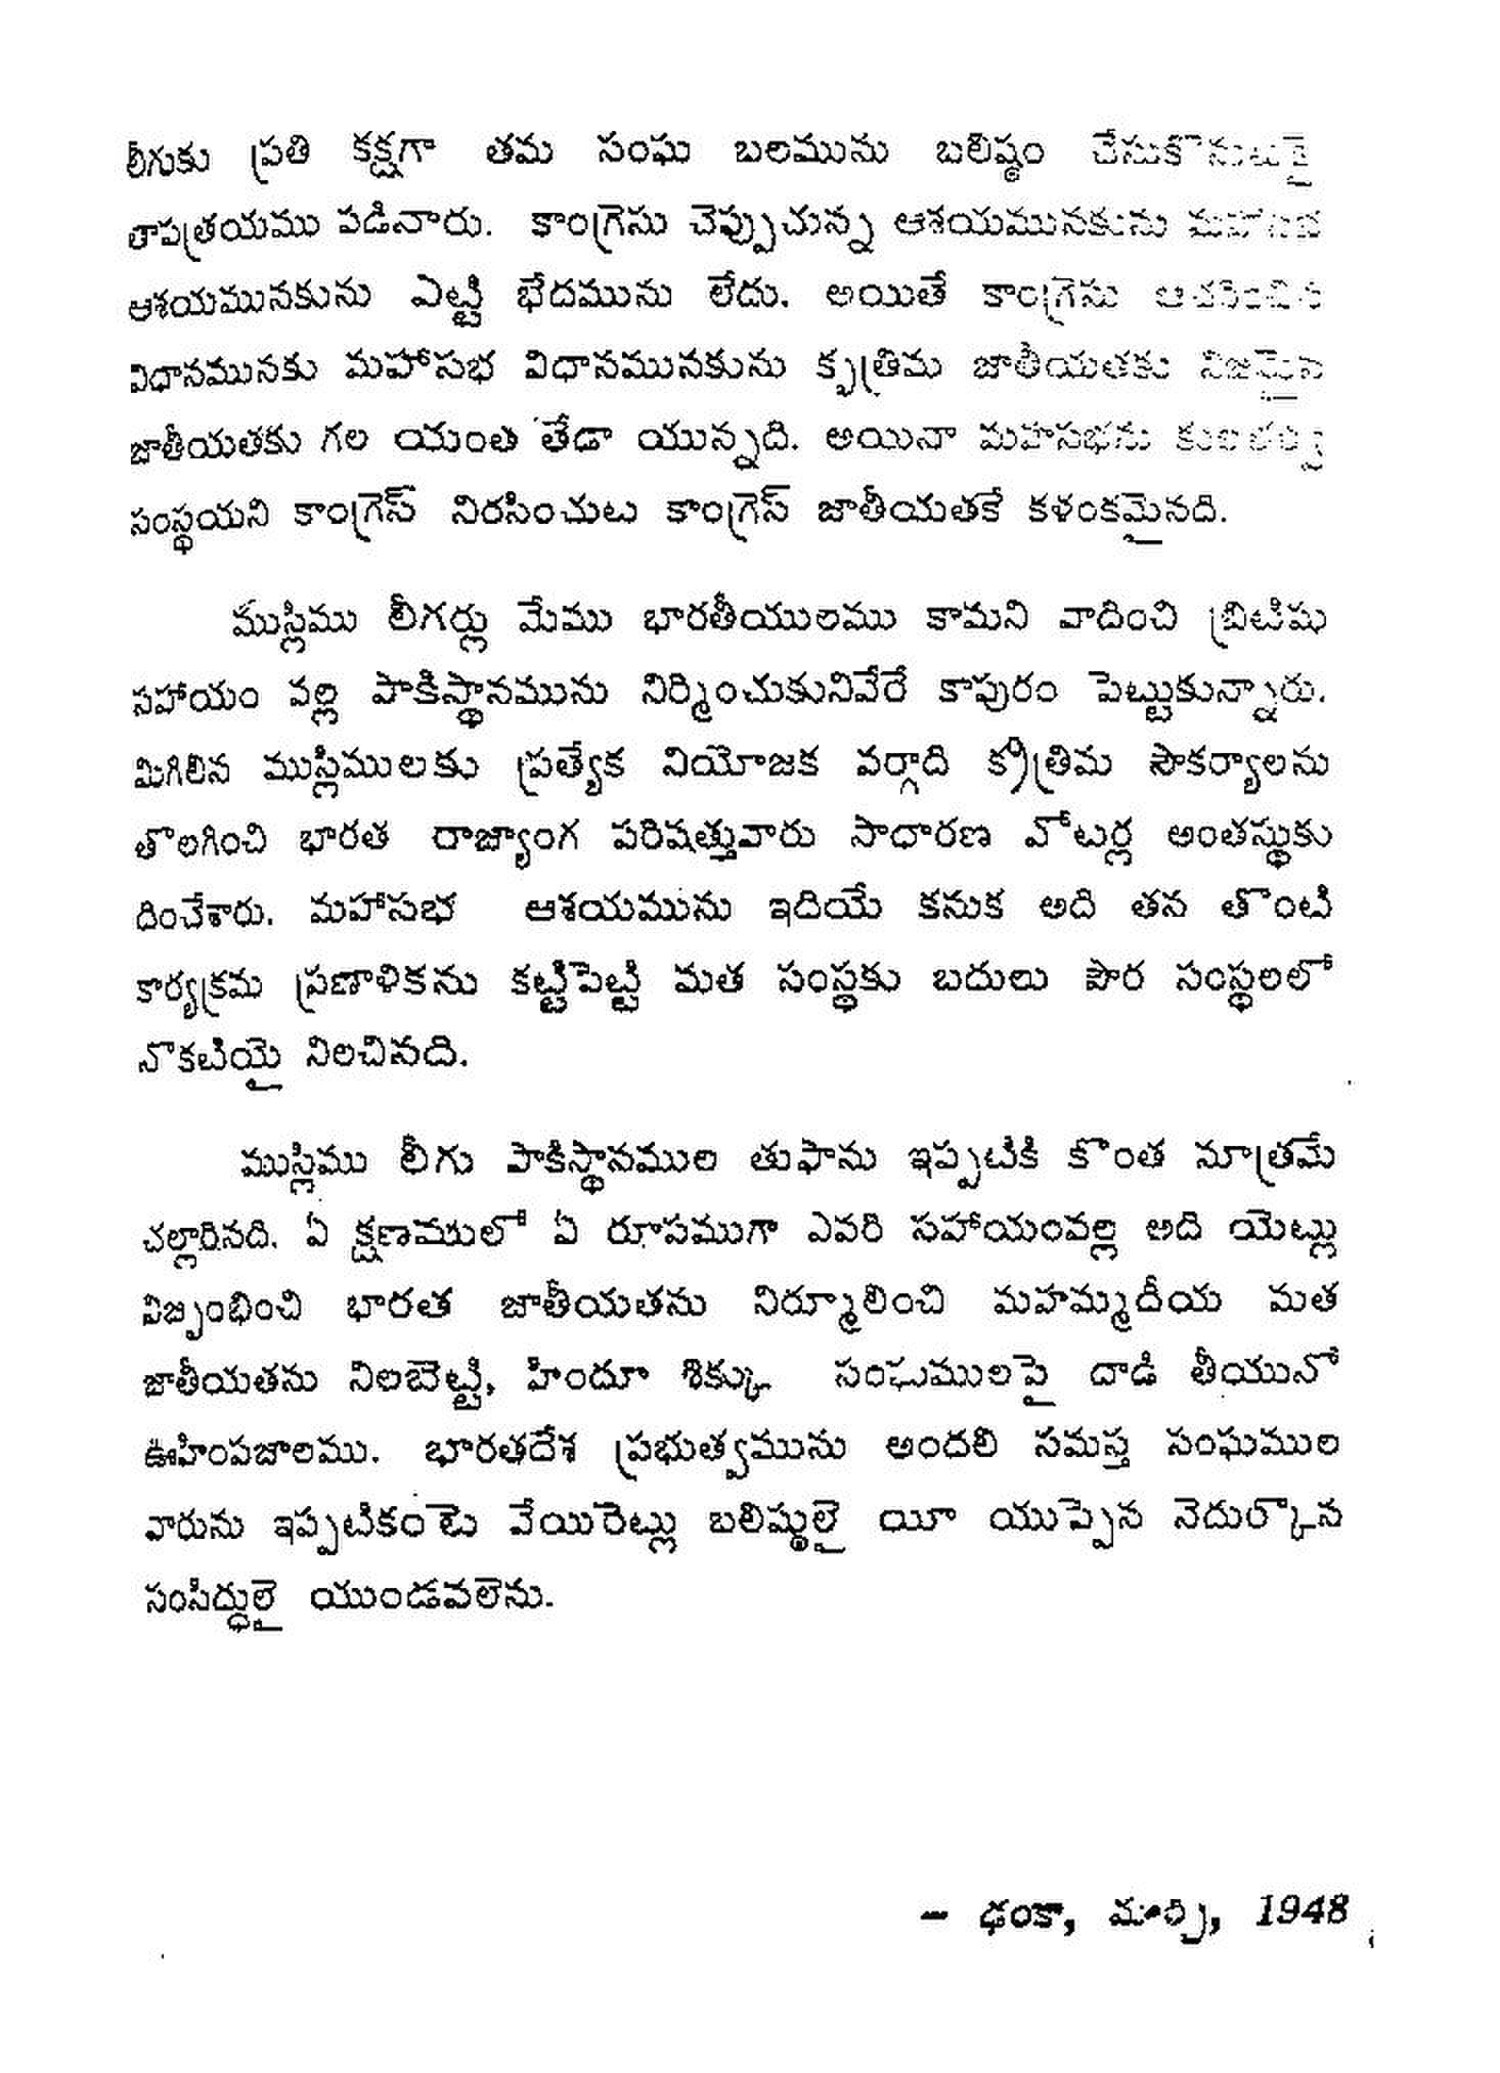లీగుకు ప్రతి కక్షగా తమ సంఘ బలమును బలిష్ఠం చేసుకొనుటకై తాపత్రయము పడినారు. కాంగ్రెసు చెప్పు చున్న ఆశయమునకును మహాసభ ఆశయమునకును ఎట్టి భేదమును లేదు. అయితే కాంగ్రెసు ఆచరించిన విధానమునకు మహాసభ విధానమునకును కృత్రిమ జాతీయతకు నిజమైన జాతీయతకు గల తేడా యున్నది. అయినా మహాసభను కులతత్వ సంస్థయని కాంగ్రెస్ నిరసించుట కాంగ్రెస్ జాతీయతకే కళంకమైనది.

ముస్లిము లీగర్లు మేము భారతీయులము కామని వాదించి బ్రిటిషు సహాయం వల్ల పాకిస్థానమును నిర్మించుకునివేరే కాపురం పెట్టుకున్నారు. మిగిలిన ముస్లిములకు ప్రత్యేక నియోజక వర్గాది కృత్రిమ సౌకర్యాలను తొలగించి భారత రాజ్యాంగ పరిషత్తువారు సాధారణ వోటర్ల అంతస్థుకు దించేశారు. మహసభ ఆశయమును ఇదియే కనుక అది తన తొంటి కార్యక్రమ ప్రణాళికను కట్టిపెట్టి మత సంస్థకు బదులు పౌర సంస్థలలో నొకటియై నిలచినది. 

ముస్లిము లీగు పాకిస్థానముముల తుఫాను ఇప్పటికి కొంత మాత్రమే చల్లారినది. ఏ క్షణములో ఏ రూపముగా ఎవరి సహాయంవల్ల అది యెట్లు విజృంభించి భారత జాతీయతను నిర్మూలించి మహమ్మదీయ మత జాతీయతను నిలబెట్టి, హిందూ శిక్కు సంఘములపై దాడి తీయునో ఊహింపజాలము. భారతదేశ ప్రభుత్వమును అందలి సమస్త సంఘముల వారును ఇప్పటికంటె వేయిరెట్లు బలిష్ఠులై యీ యుప్పెన నెదుర్కొన సంసిద్ధులై యుండవలెను.